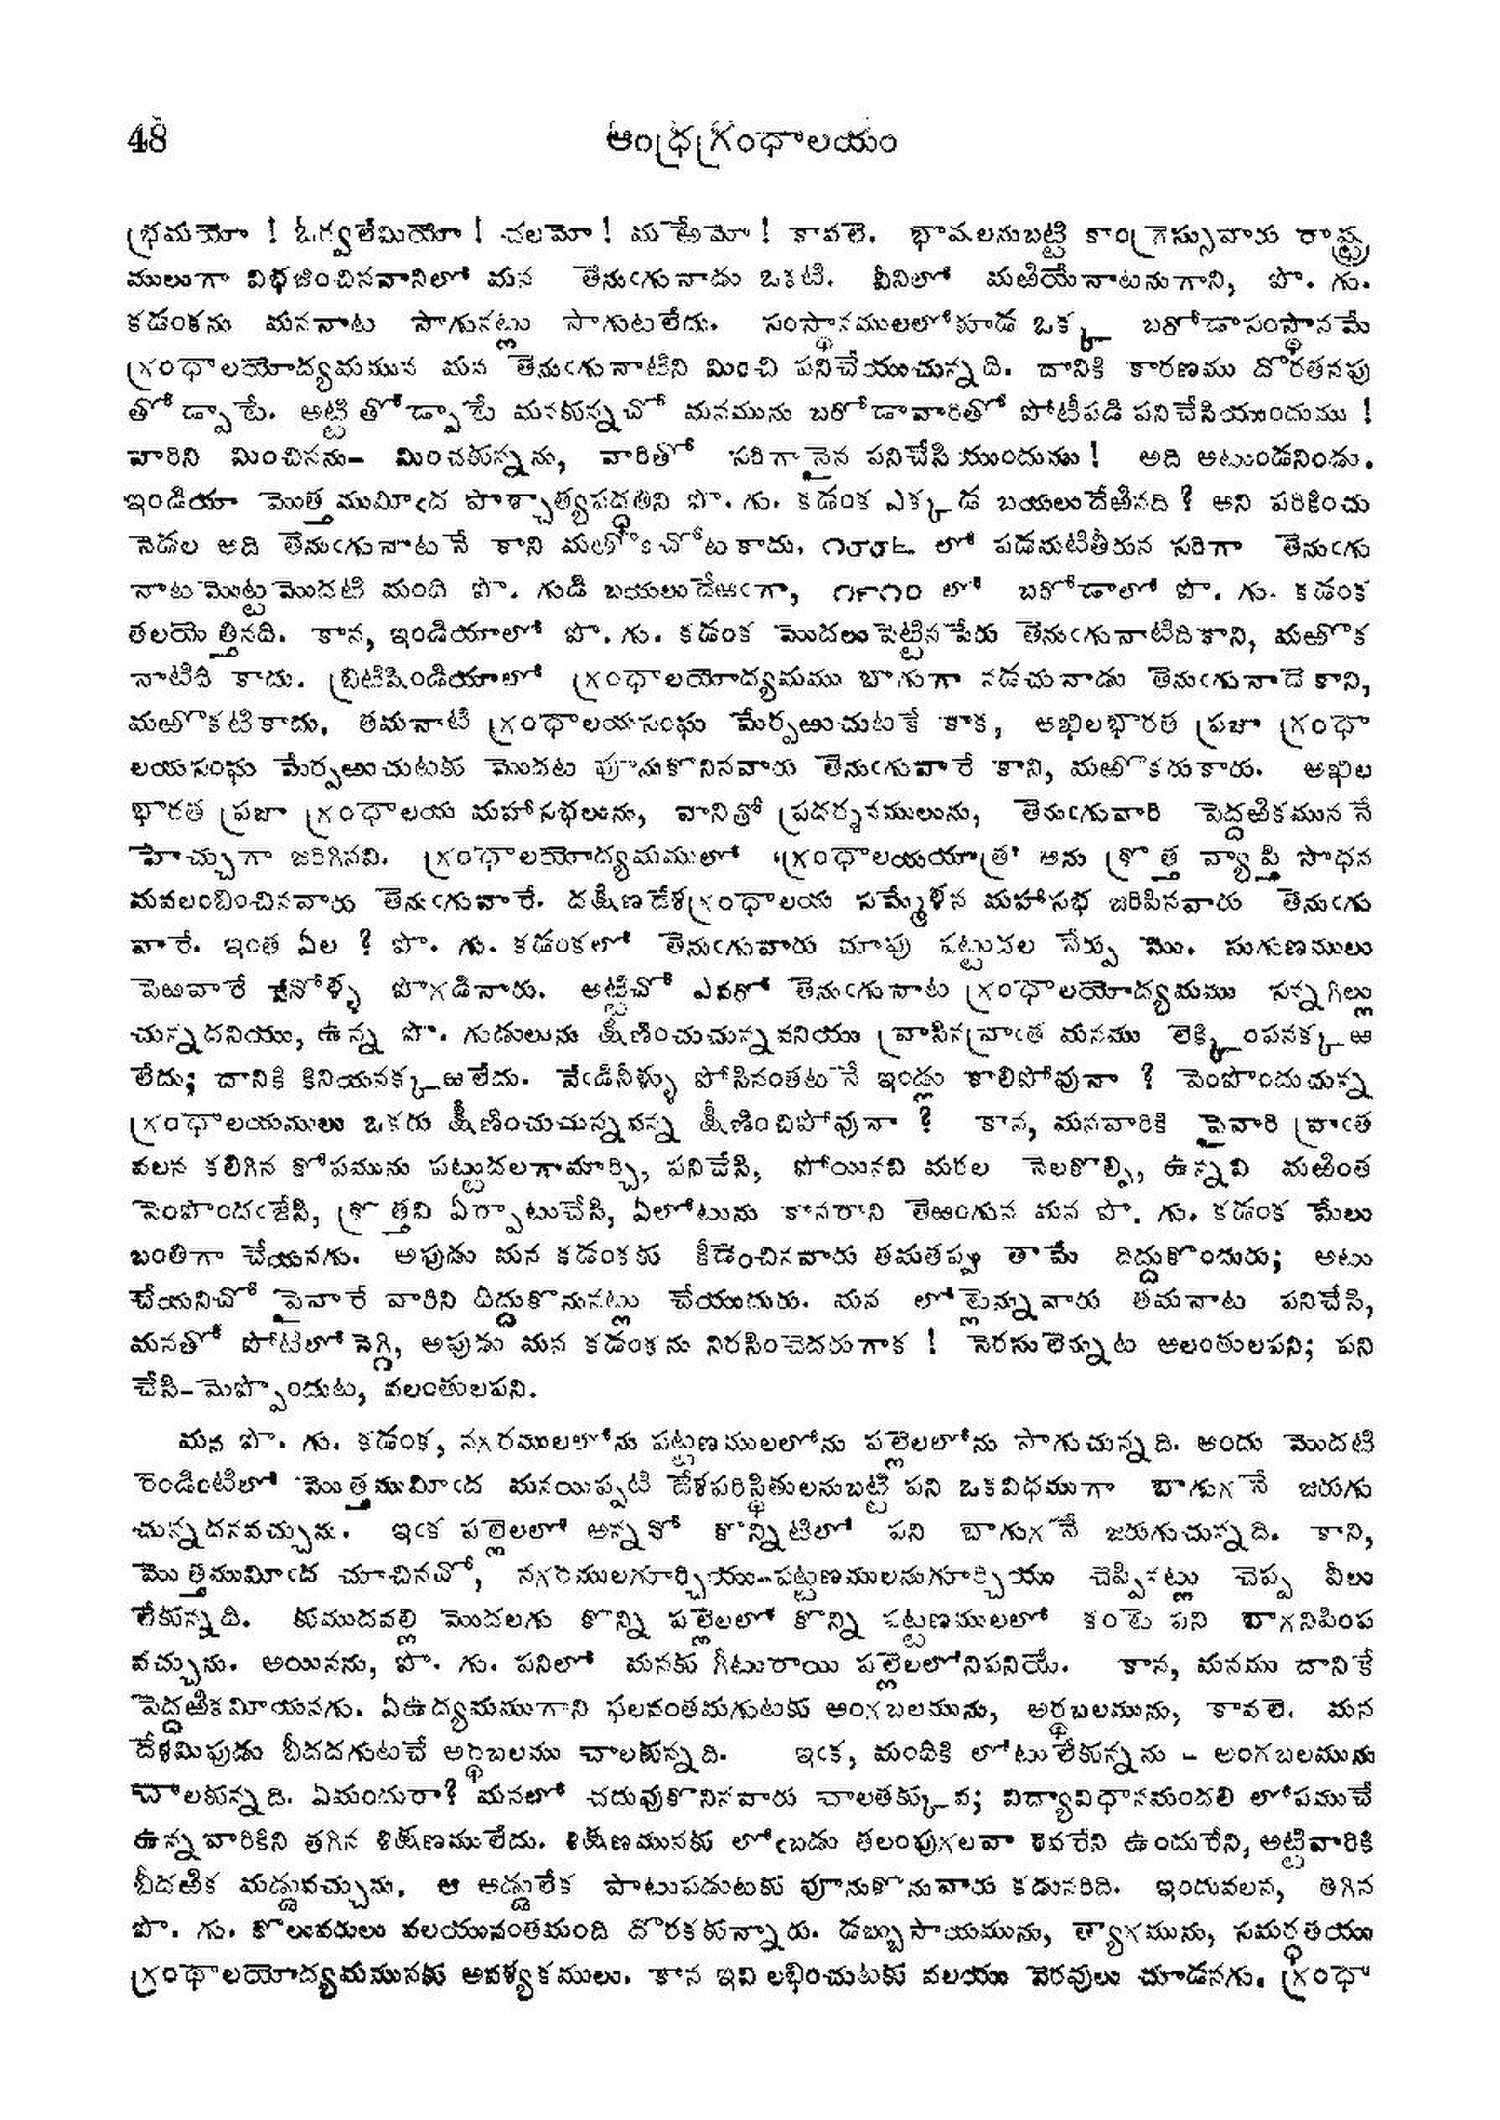భ్రమయో! ఓర్వలేమియో! చలమో! మఱెమో! కావలె. భాషలను బట్టి కాంగ్రెస్సువారు రాష్ట్రములుగా విభజించినవానిలో 
మన తెనుఁగునాడు ఒకటి. దీనిలో మఱియేనాటనుగానీ, పొ.గు.కడంకను మననాట సాగునటు సాగుటలేదు. సంస్థానములలో 
కూడ ఒక్క బరోడా సంస్థానమే గ్రంథాలయోద్యమమున మన తెనుఁగునాటిని మించి పనిచేయుచున్నది. దానికి కారణము దొరతనపు
తోడ్పాటే. అట్టి తోడ్పాటే మనకున్నచో మనమును బరోడావారితో పోటీపడి పనిచేసియుందుము! వారిని మించినను- మించకున్నను, వారితో సరిగానైన పనిచేసి యుందును! అది ఆటుండనిండు. ఇండియా మొత్తము మీఁద పాశ్చాత్యపద్ధతిని పొ.గు. కథంక ఎక్కడ బయలుదేఱినది? అని పరికించునెడల అది తెనుఁగునాటనే కాని మఱకచోట కాదు. ౧౮౮౬ లో పడమటితీరున సరిగా తెనుఁగు
నాట మొట్టమొదటి మంది పొ.గుడి బయలుదేఱఁగా, ౧౯౧౦ లో బరోడాలో పొ.గు. కడంక తలయెత్తినది. కాన, ఇండియాలో 
పొ.గు.కడంక మొదలు పెట్టిన పేరు తెనుఁగునాటిది కాని, మఱోకనాటికి కాదు. బ్రిటిషిండియాలో గ్రంధాలయోద్యమము బాగుగా 
నడచునాడు తెనుఁగునాడే కాని, మఱొకటికాదు, తమనాటి గ్రంధాలయసంఘ మేర్పఱుచుటకే కాక, అఖిలభారత ప్రజా 
గ్రంథాలయసంఘ మేర్పఱుచుటకు మొదట పూనుకొనినవారు తెనుఁగువారే కాని, మఱోకరుకారు. అఖిల భారత ప్రజా గ్రంధాలయ మహాసభలునూ, వానితో ప్రదర్శనములును, తెరుఁగువారి పెద్దఱికముననే హెచ్చుగా జరిగినవి. గ్రంథాలయోద్యమములో 'గ్రంథాలయయాత్ర' అను క్రొత్త వ్యాప్తి సొధన మవలంబించినవారు తెనుఁగువారే. దక్షిణ దేశగ్రంధాలయ సమ్మేళన మహాసభ 
జరిపినవారు తెనుఁగు వారే. ఇంత ఏల? పొ.గు.కడంకలో తెనుఁగువారు చూపు పట్టువల నేర్పు మొ.సుగుణములు పెఱవారే
వేనోళ్ళ పొగడినారు. అట్టిచో ఎవరో తెనుఁగునాట గ్రంథాలయోద్యమము సన్నగిల్లు చున్నదనియు, ఉన్న పొ.గుడులును 
క్షీణించుచున్నవనియు వ్రాసినవ్రాఁత మనము లెక్కింపనక్కఱలేదు; దానికి కినియనక్కఱలేదు. వేఁడినీళ్ళు పోసినంతటనే 
ఇండ్లు కాలిపోవునా? పెంపొందుచున్న గ్రంధాలయములు ఒకరు క్షీణించుచున్ననన్న క్షీణించిపోవునా? కాన, మనవారికి పైవారి
వ్రాఁత వలన కలిగిన కోపమును పట్టుదలగా మార్చి, పనివేసి, పోయినది మరల నెలకొల్పి, ఉన్నవి మఱింత పెంపొందఁజేసి, 
క్రొత్తవి ఏర్పాటుచేసి, ఏలోటును కానరాని తెఱంగున మన పొ.గు.కడంక మేలు బంతిగా చేయనగు. అపుడు మన కడంకకు 
కీడెంచినవారు తమతప్పు తామే దిద్దుకొందురు; అటు చేయనిచో పైవారే వారిని దిద్దుకొనునట్లు చేయుదురు. మన లోటైన్నువారు 
తమ నాట పనిచేసి, మనతో పోటీలో నెగ్గి, అప్పుడు మన కడంకను నిరసించెదరుగాక ! నెరసులెన్నుట అలంతులపని; పని
చేసి-మెప్పొందుట, వలంతులపని.

మన పొ.గు.కడంక, నగరములలోను పట్టణములలోను పల్లెలలోను సాగుచున్నది. అందు మొదటి రెండింటిలో మొత్తముమీఁద మనయిప్పటి దేశపరిస్థితులనుబట్టి పని ఒక విధముగా బాగుగనే జరుగు చున్నదనవచ్చును. ఇక పల్లెలలో అన్ననో కొన్నిటిలో 
పని బాగుగనే జరుగుచున్నది. కాని, మొత్తముమీఁద చూచినచో, నగరముల గూర్చియు-పట్టణములను గూర్చియు చెప్పినట్లు 
చెప్ప వీలు లేకున్నది. కుముదవల్లి మొదలగు కొన్ని పల్లెలలో, కొన్ని పట్టణములలో కంటే పని బాగనిపింపవచ్చును. 
అయినను, పొ.గు.పనిలో మనకు గీటురాయి పల్లెలలోనిపనియే. కాన, మనము దానికే పెద్దఱిక మాయనగు. ఏ ఉద్యమముగాని ఫలవంతమగుటకు అంగబలమును, అర్థబలమును, కావలె. మన దేశమివుడు బీదదగుటచే అర్థబలము చాలకున్నది. 
ఇఁక, మందికి లోటులేకున్నను-అంగబలమును చాలకున్నది. ఏమందురా? మనలో చదువుకొనిన వారు చాల తక్కువ; విద్యావిధానమందలి లోపముచే ఉన్నవారికిని తగిన శిక్షణములేదు. శిక్షణమునకు లోఁబడు తలంపుగలవారెవరేని ఉందులేని, 
అట్టివారికి బీదరిక మడ్డువచ్చును. ఆ అడ్డులేక పాటుపడుటకు పూనుకొనువారు కడుసరిది. ఇందువలన, తగిన పొ.గు.
కొలువరులు వలయువంతమంది దొరకకున్నారు. డబ్బుసాయమును, త్యాగమును, సమర్ధతయు గ్రంథాలయోద్యమమునకు 
అవశ్యకములు. కాన ఇవి లభించుటకు వలయు వెరవులు చూడనగు. గ్రంధా